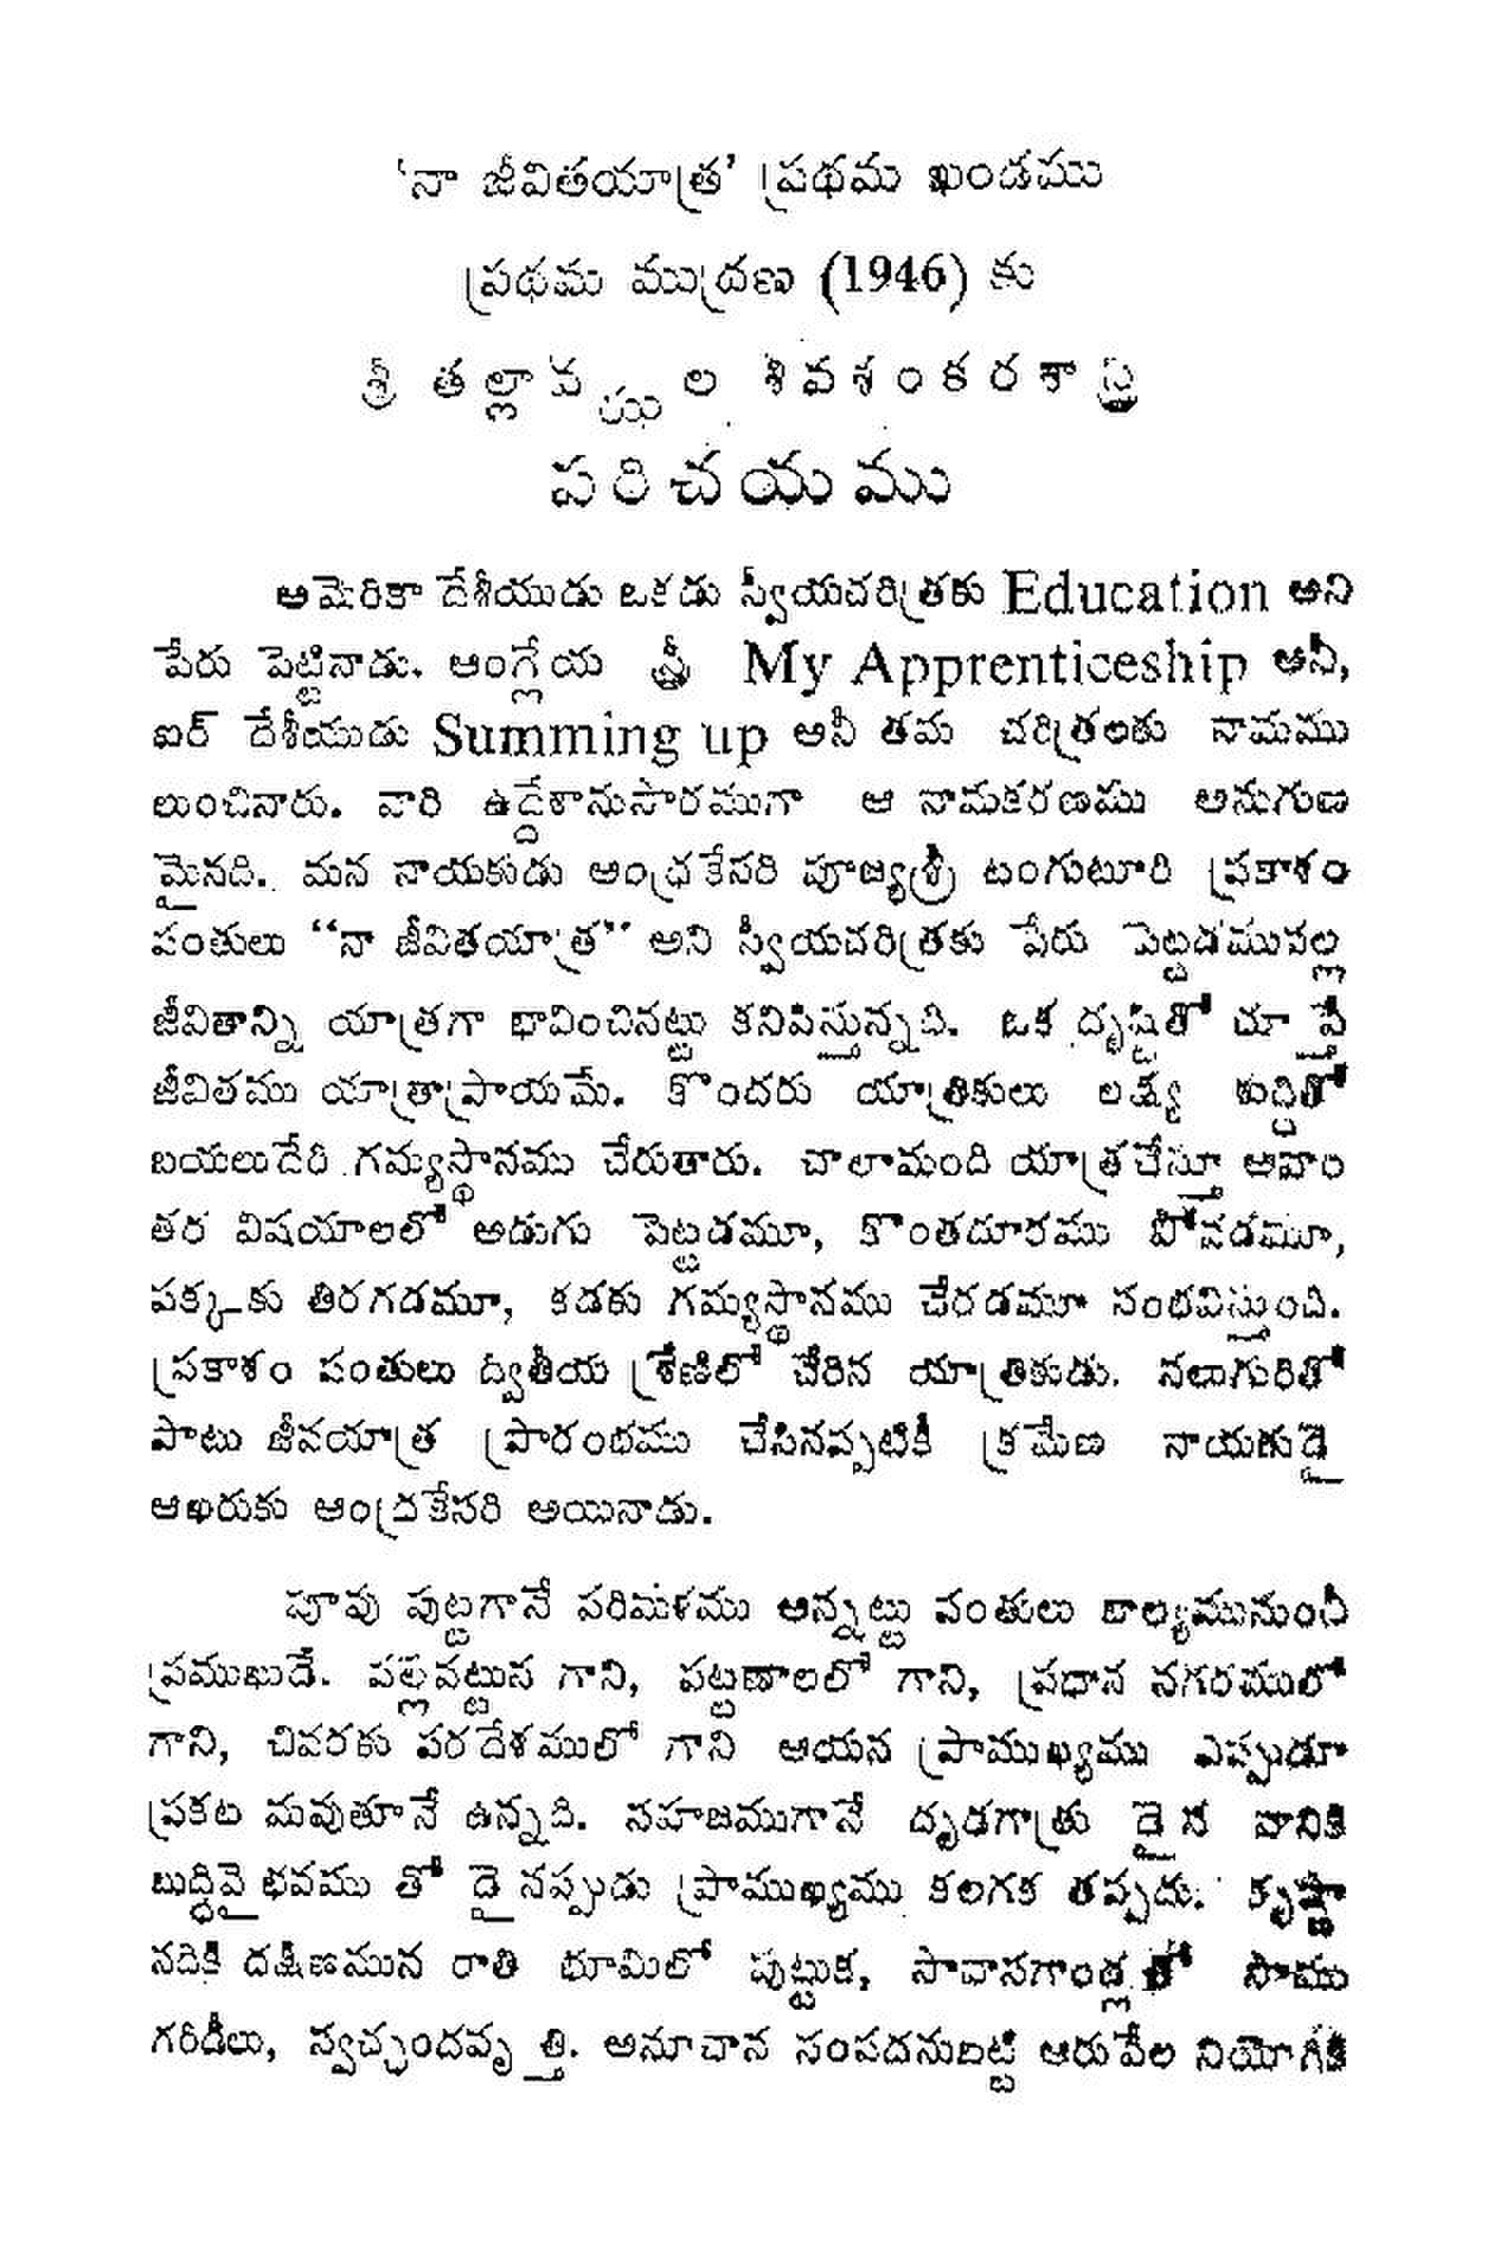అమెరికా దేశీయుడు ఒకడు స్వీయచరిత్రకు Education అని పేరు పెట్టినాడు. ఆంగ్లేయ స్త్రీ My Apprenticeship అనీ, ఐర్ దేశీయుడు Summing up అనీ తమ చరిత్రలకు నామములుంచి నారు. వారి ఉద్దేశానుసారముగా ఆ నామకరణము అనుగుణమైనది. మన నాయకుడు ఆంధ్రకేసరి పూజ్యశ్రీ టంగుటూరి ప్రకాశం పంతులు "నా జీవితయాత్ర" అని స్వీయచరిత్రకు పేరు పెట్టడమువల్ల జీవితాన్ని యాత్రగా భావించినట్టు కనిపిస్తున్నది. ఒక దృష్టితో చూస్తే జీవితము యాత్రాప్రాయమే. కొందరు యాత్రికులు లక్ష్య శుద్ధితో బయలుదేరి గమ్యస్థానము చేరుతారు. చాలమంది యాత్రచేస్తూ అవాంతర విషయాలలో అడుగు పెట్టడమూ, కొంత దూరము పోవడమూ, పక్కకు తిరగడమూ, కడకు గమ్యస్థానము చేరడమూ సంభవిస్తుంది. ప్రకాశం పంతులు ద్వితీయ శ్రేణిలో చేరిన యాత్రికుడు. నలుగురితో పాటు జీవయాత్ర ప్రారంభము చేసినప్పటికీ క్రమేణ నాయకుడై ఆఖరుకు ఆంధ్రకేసరి అయినాడు.

పూవు పుట్టగానే పరిమళము అన్నట్టు పంతులు బాల్యమునుంచీ ప్రముఖుడే. పల్లెపట్టున గాని, పట్టణాలలో గాని, ప్రధాన నగరములో గాని, చివరకు పరదేశములో గాని ఆయన ప్రాముఖ్యము ఎప్పుడూ ప్రకట మవుతూనే ఉన్నది. సహజముగానే దృఢగాత్రు డైన వానికి బుద్ధివైభవము తో డైనప్పుడు ప్రాముఖ్యము కలగక తప్పదు. కృష్ణానదికి దక్షిణమున రాతి భూమిలో పుట్టుక, సావాసగాండ్లతో సాము గరిడీలు, స్వచ్ఛందవృత్తి, అనూచాన సంపదను బట్టి ఆరువేల నియోగికి